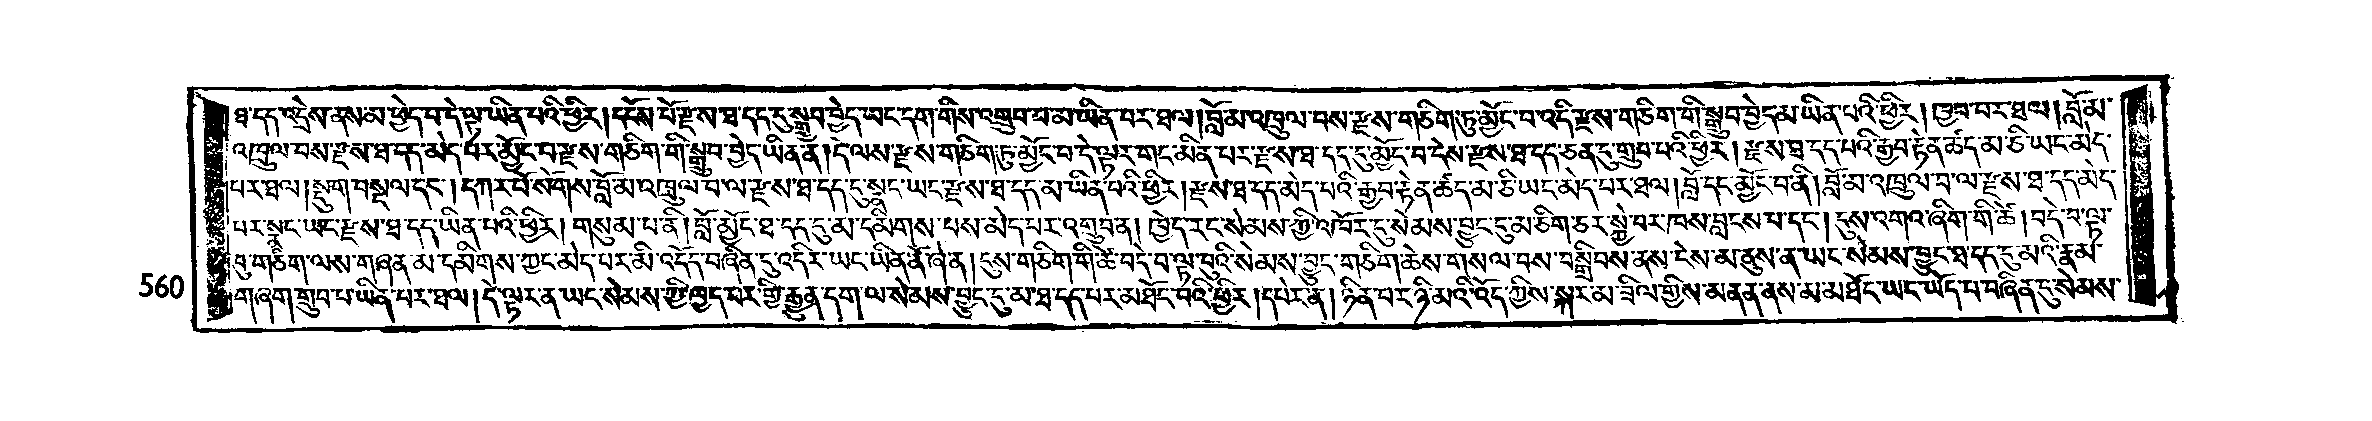ཐ་དད་འདྲེས་ནས་མ་ཕྱེད་པ་དེ་ལྟ་ཡིན་པའི་ཕྱིར། དངོས་པོ་རྫས་ཐ་དད་དུ་སྒྲུབ་བྱེད་ཡང་དག་གིས་འགྲུབ་པ་མ་ཡིན་པར་ཐལ། བློ་མ་འཁྲུལ་བས་རྫས་གཅིག་ཏུ་མྱོང་བ་འདི་རྫས་གཅིག་གི་སྒྲུབ་བྱེད་མ་ཡིན་པའི་ཕྱིར། ཁྱབ་པར་ཐལ། བློ་མ་
འཁྲུལ་བས་རྫས་ཐ་དད་མེད་པར་མྱོང་བ་རྫས་གཅིག་གི་སྒྲུབ་བྱེད་ཡིན་ན། དེ་ལས་རྫས་གཅིག་ཏུ་མྱོང་བ་དེ་ལྟར་གང་མིན་པར་རྫས་ཐ་དད་དུ་མྱོང་བ་དེས་རྫས་ཐ་དད་ཅན་དུ་གྲུབ་པའི་ཕྱིར། རྫས་ཐ་དད་པའི་རྒྱབ་རྟེན་ཚད་མ་ཅི་ཡང་མེད་
པར་ཐལ། སྡུག་བསྔལ་དང་། དཀར་པོ་སོགས་བློ་མ་འཁྲུལ་བ་ལ་རྫས་ཐ་དད་དུ་སྣང་ཡང་རྫས་ཐ་དད་མ་ཡིན་པའི་ཕྱིར། རྫས་ཐ་དད་མེད་པའི་རྒྱབ་རྟེན་ཚད་མ་ཅི་ཡང་མེད་པར་ཐལ། བློ་དང་མྱོང་བ་ནི། བློ་མ་འཁྲུལ་བ་ལ་རྫས་ཐ་དད་མེད་
པར་སྣང་ཡང་རྫས་ཐ་དད་ཡིན་པའི་ཕྱིར། གསུམ་པ་ནི། བློ་མྱོང་ཐ་དད་དུ་མ་དམིགས་པས་མེད་པར་འགྲུབ་ན། ཁྱེད་རང་སེམས་ཀྱི་འཁོར་དུ་སེམས་བྱུང་དུ་མ་ཅིག་ཅར་སྐྱེ་བར་ཁས་བླངས་པ་དང་། དུས་འགའ་ཞིག་གི་ཚེ། བདེ་བ་ལྟ་
བུ་གཅིག་ལས་གཞན་མ་དམིགས་ཀྱང་མེད་པར་མི་འདོད་བཞིན་དུ་འདིར་ཡང་ཡིན་ནོ་ཞེ་ན། དུས་གཅིག་གི་ཚེ་བདེ་བ་ལྟ་བུའི་སེམས་བྱུང་གཅིག་ཆེས་གསལ་བས་བསྒྲིབས་ནས་ངེས་མ་ནུས་ན་ཡང་སེམས་བྱུང་ཐ་དད་དུ་མའི་རྣམ་
གཞག་གྲུབ་པ་ཡིན་པར་ཐལ། དེ་ལྟར་ན་ཡང་སེམས་ཀྱི་ཁྱད་པར་གྱི་རྒྱུན་དག་ལ་སེམས་བྱུང་དུ་མ་ཐ་དད་པར་མཐོང་བའི་ཕྱིར་།དཔེར་ན། ཉིན་པར་ཉི་མའི་འོད་ཀྱིས་སྐར་མ་ཟིལ་གྱིས་མནན་ནས་མ་མཐོང་ཡང་ཡོད་པ་བཞིན་དུ་སེམས་